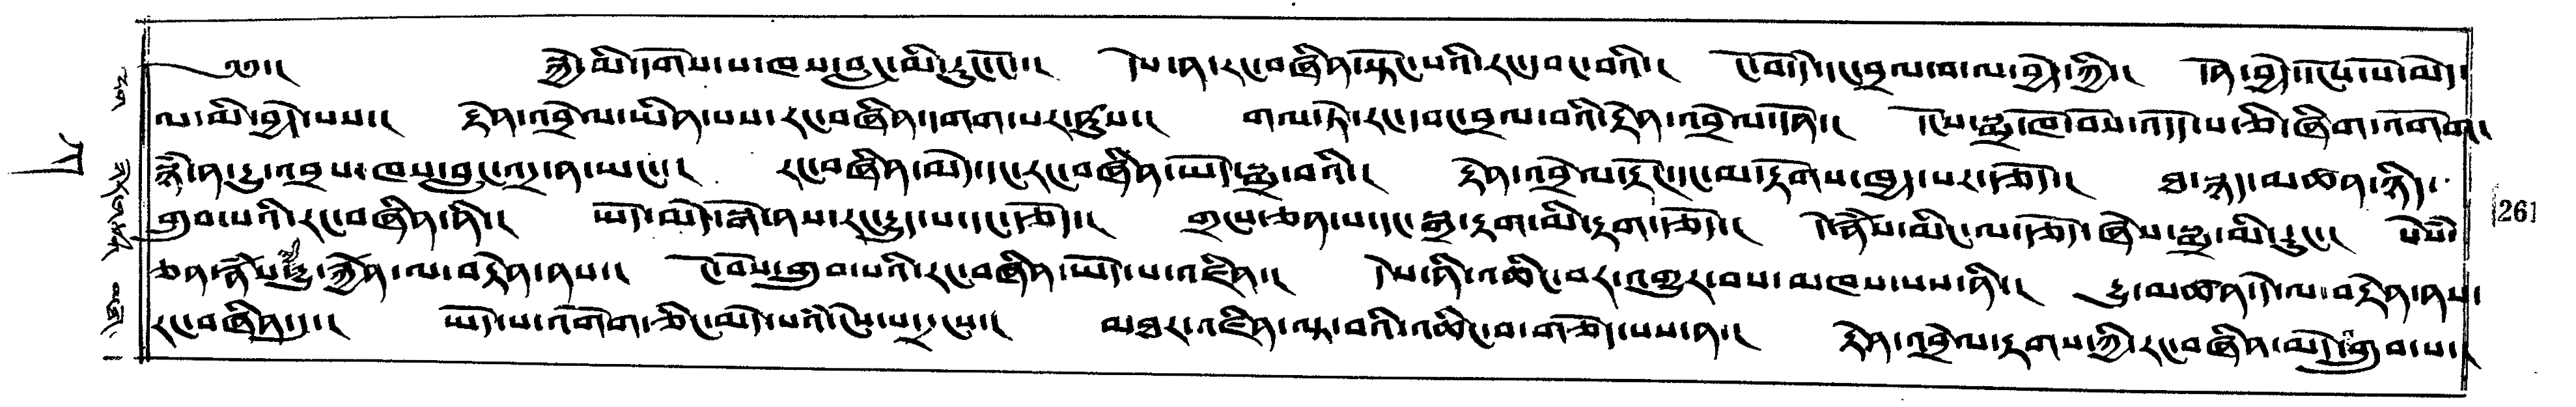སྐྱེ་མི་དགོས་པས་ཁས་བླང་མི་རུང་ངོ་། །དེས་ན་རང་བཞིན་སྟོང་པའི་རང་དབང་གི །ངོ་བོ་དེ་དང་བྲལ་བ་ལ་བྱེད་ཀྱི། །དོན་བྱེད་དངོས་པོ་མེད་
ལ་མི་བྱེད་པས། །རྟེན་འབྲེལ་ཡིན་པས་རང་བཞིན་དགག་པར་ནུས། །གལ་ཏེ་རང་དབང་བྲལ་བའི་རྟེན་འབྲེལ་དོན། །དངོས་སྨྲ་ཁོ་བོས་འདོད་པ་ཅི་ཞིག་འགོག།
སྙམ་ན་རྒྱུ་འབྲས་ཁས་བླང་འདྲ་ན་ཡང་། །རང་བཞིན་མེད་དང་རང་བཞིན་ཡོད་སྨྲ་བའི། །རྟེན་འབྲེལ་རྟོགས་དང་མ་རྟོགས་ཁྱད་པར་རྩོད། །ཐ་སྙད་མཚན་ཉིད་
གྲུབ་པའི་རང་བཞིན་ནི། །ཡོད་མེད་སྒོ་ནས་རང་རྒྱུད་པ་དང་རྩོད། །གྲངས་ཅན་པ་དང་སྒྲ་རྟག་མི་རྟག་རྩོད། །དེ་རྣམས་མིང་ལ་རྩོད་ཞེས་སྨྲ་མི་རུང་། །སེམས་
ཅན་རྣམས་ཀྱི་རྒྱུ་རྐྱེན་ལ་བརྟེན་ནས། །ངོ་བོས་གྲུབ་པའི་རང་བཞིན་ཡོད་པ་འཛིན། །དེས་ནི་འཆིང་བར་འགྱུར་བས་མཁས་པས་ནི། །རྒྱུ་མཚན་དེ་ལ་བརྟེན་ནས་
རང་བཞིན་དུ། །ཡོད་པ་འགོག་ཅིང་མཻད་པའི་ངེས་པ་དྲངས། །མཐར་འཛིན་ལྟ་བའི་འཆིང་བ་གཅོད་པས་ན། །རྟེན་འབྲེལ་རྟགས་ཀྱིས་རང་བཞིན་མེད་འགྲུབ་པ། །